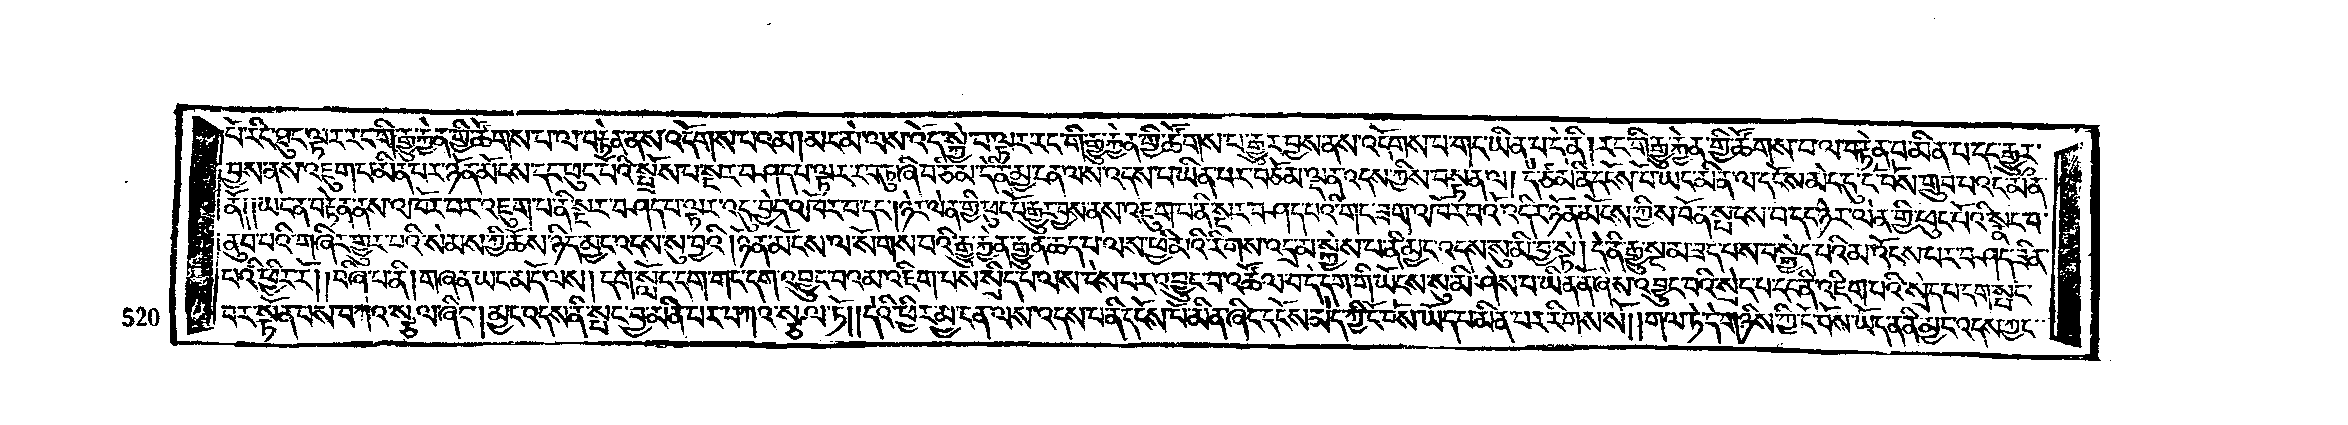པོ་རིང་ཐུང་ལྟར་རང་གི་རྒྱུ་རྐྱེན་གྱི་ཚོགས་པ་ལ་བརྟེན་ནས་འདོགས་པའམ། མར་མེ་ལས་འོད་སྐྱེ་བ་ལྟར་རང་གི་རྒྱུ་རྐྱེན་གྱི་ཚོགས་པ་རྒྱུར་བྱས་ནས་འདོགས་པ་གང་ཡིན་པ་དེ་ནི། རང་གི་རྒྱུ་རྐྱེན་གྱི་ཚོགས་པ་ལ་བརྟེན་པ་མིན་པ་དང་རྒྱུར་
བྱས་ནས་འཇུག་པ་མིན་པར་ཉོན་མོངས་དང་ཕུང་པོའི་སྤྲོས་པ་སྔར་བཤད་པ་ལྟར་རབ་ཏུ་ཞི་བ་ཙམ་དེ་ནི་མྱ་ངན་ལས་འདས་པ་ཡིན་པར་བཅོམ་ལྡན་འདས་ཀྱིས་བསྟན་ལ། དེ་ཙམ་ནི་དངོས་པོ་ཡང་མིན་ལ་དངོས་མེད་དུ་ངོ་བོས་གྲུབ་པའང་མྀན་
ནོ། །ཡང་ན་བརྟེན་ནས་འཁོར་བར་འཇུག་པ་ནི་སྔར་བཤད་པ་ལྟར་འདུ་བྱེད་འཁོར་བ་དང་། ཉེར་ལེན་གྱི་ཕུང་པོ་རྒྱུར་བྱས་ནས་འཇུག་པ་ནི་སྔར་བཤད་པའི་གང་ཟག་འཁོར་བའོ་འདིར་ཉོན་མོངས་ཀྱི་ས་བོན་སྤངས་པ་དང་ཉེར་ལེན་གྱི་ཕུང་པོའི་སྣང་བ་
ནུབ་པའི་གཞིར་གྱུར་པའི་སེམས་ཀྱི་ཆོས་ཉིད་མྱང་འདས་སུ་བྱའི། ཉོན་མོངས་ལ་སོགས་པའི་རྒྱུ་རྐྱེན་རྒྱུན་ཆད་པ་ལས་ཕྱི་མའི་རིགས་འདྲ་མ་སྐྱེས་པ་ནི་མྱང་འདས་སུ་མི་བྱ་སྟེ། དེ་ནི་རྒྱུ་སྔ་མ་ཟད་པས་བསྐྱེད་པའི་མ་འོངས་པར་བཤད་ཟིན་
པའི་ཕྱིར་རོ། །བཞི་པ་ནི། གཞན་ཡང་མོད་ལས། དགེ་སློང་དག་གང་དག་འབྱུང་བའམ་འཇིག་པས་སྲིད་པ་ལས་ངེས་པར་འབྱུང་བ་འཚོལ་བ་དེ་དག་གི་ཡོངས་སུ་མིན་ཤེས་པ་ཡིན་ནོ་ཞེས་འབྱུང་བའི་སྲེད་པ་དང་ནི་འཇིག་པའི་སྲེད་པ་དག་སྤང་
པར་སྟོན་པས་བཀའ་སྩལ་ཞིང་། མྱང་འདས་ནི་སྤང་བྱ་མིན་པར་བཀའ་སྩལ་ཏོ། །དེའི་ཕྱིར་མྱ་ངན་ལས་འདས་པ་ནི་དངོས་པོ་མིན་ཞིང་དངོས་མེད་ཀྱི་ངོ་བོས་ཡོད་པ་མིན་པར་རིགས་སོ། །གལ་ཏེ་དེ་གཉིས་ཀྱི་ངོ་བོས་ཡོད་ན་ནི་མྱང་འདས་ཀྱང་